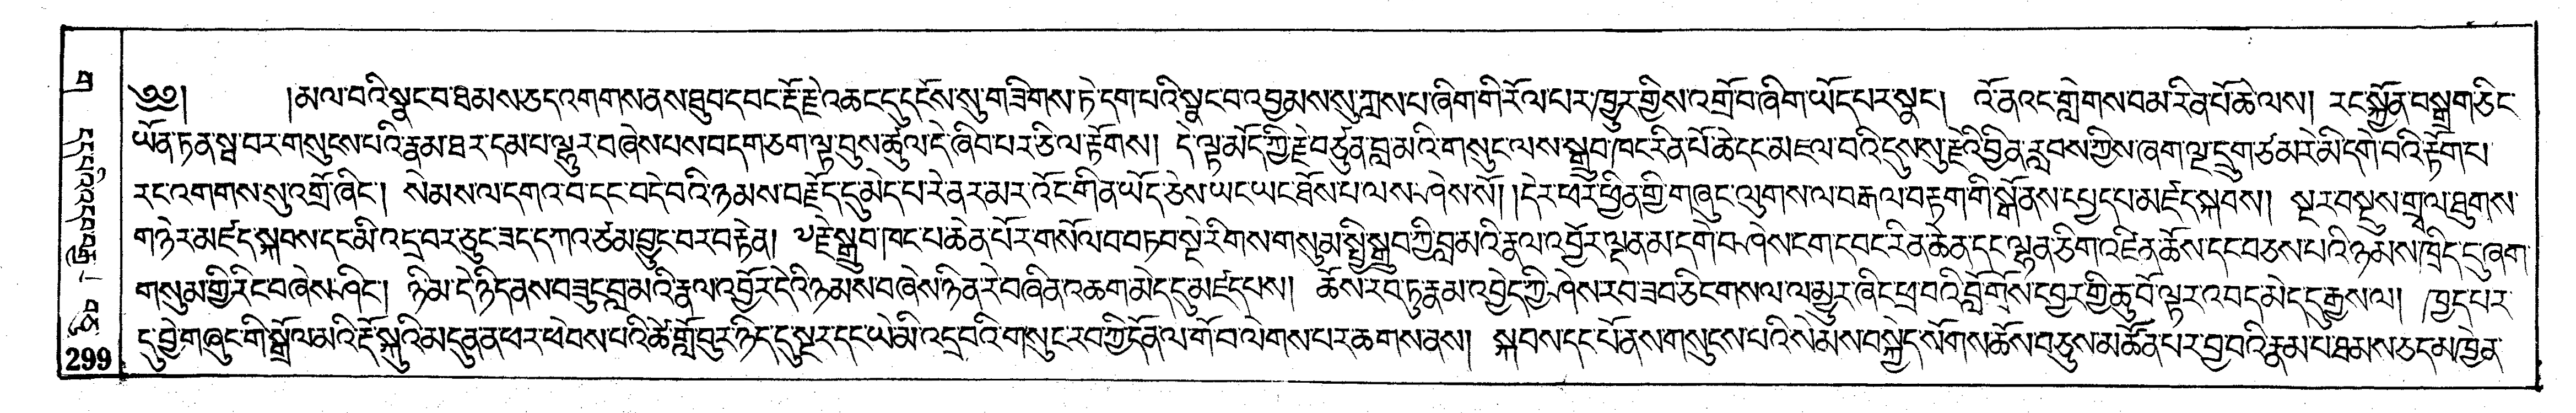༄༅། །མལ་པའི་སྣང་བ་ཐམས་ཅད་འགགས་ནས་ཐུབ་དབང་རྡོ་རྗེ་འཆང་དུ་དངོས་སུ་གཟིགས་ཏེ་དག་པའི་སྣང་བ་འབྱམས་སུ་ཀླས་པ་ཞིག་གི་རོལ་པར་ཁྱུར་གྱིས་འགྲོ་བ་ཞིག་ཡོད་པར་སྣང་། འོ་ནའང་གླེགས་བམ་རིན་པོ་ཆེ་ལས། རང་སྐྱོན་བསྒྲག་ཅིང་
ཡོན་ཏན་སྦ་བར་གསུངས་པའི་རྣམ་ཐར་དམ་པ་ལྷུར་བཞེས་པས་བདག་ཅག་ལྟ་བུས་ཚུལ་དེ་ཞིབ་པར་ཅི་ལ་རྟོགས། དེ་ལྟ་མོད་ཀྱི་རྗེ་བཙུན་བླ་མའི་གསུང་ལས་སྒྲུབ་ཁང་རིན་པོ་ཆེ་དང་མཇལ་བའི་དུས་སུ་རྗེའི་བྱིན་རླབས་ཀྱིས་ཞག་ལྔ་དྲུག་ཙམ་རེ་མི་དགེ་བའི་རྟོག་པ་
རང་འགགས་སུ་འགྲོ་ཞིང་། སེམས་ལ་དགའ་བ་དང་བདེ་བའི་ཉམས་བརྗོད་དུ་མེད་པ་རེ་ནར་མར་འོང་གིན་ཡོད་ཅེས་ཡང་ཡང་ཐོས་པ་ལས་ཤེས་སོ། །དེར་ཕར་ཕྱིན་གྱི་གཞུང་ལུགས་ལ་བརྒལ་བརྟག་གི་སྒོ་ནས་དཔྱད་པ་མཛད་སྐབས། སྔར་བསྡུས་གྲྭ་ལ་ཐུགས་
གཉེར་མཛད་སྐབས་དང་མི་འདྲ་བར་ཅུང་ཟད་དཀའ་ཙམ་བྱུང་པར་བརྟེན། ༧་རྗེ་སྒྲུབ་ཁང་པ་ཆེན་པོར་གསོལ་བ་བཏབ་སྟེ་རིགས་གསུམ་སྤྱི་སྒྲུབ་ཀྱི་བླ་མའི་རྣལ་འབྱོར་ལྡན་མ་དགེ་བཤེས་ངག་དབང་རིན་ཆེན་དང་ལྷན་ཅིག་འཛིན་ཆོས་དང་བཅས་པའི་ཉམས་ཁྲིད་དུ་ཞག་
གསུམ་གྱི་རིང་བཞེས་ཤིང་། ཉི་མ་དེ་ཉིད་ནས་བཟུང་བླ་མའི་རྣལ་འབྱོར་དེའི་ཉམས་བཞེས་ཉིན་རེ་བཞིན་འཆག་མེད་དུ་མཛད་པས། ཆོས་རབ་ཏུ་རྣམ་འབྱེད་ཀྱི་ཤེས་རབ་ཟབ་ཅིང་གསལ་ལ་མྱུར་ཞིང་ཕྲ་བའི་བློ་གྲོས་དབྱར་གྱི་ཆུ་བོ་ལྟར་འབད་མེད་དུ་རྒྱས་ལ། ཁྱད་པར་
དུ་བྱེ་གཞུང་གི་སྒྲོལ་མའི་རྡོ་སྐུའི་མདུན་ན་ཕར་ཕེབས་པའི་ཚེ་གློ་བུར་ཉིད་དུ་སྔར་དང་ཡེ་མི་འདྲ་བའི་གསུང་རབ་ཀྱི་དོན་ལ་གོ་བ་ལེགས་པར་ཆགས་ནས། སྐབས་དང་པོ་ནས་གསུངས་པའི་སེམས་བསྐྱེད་སོགས་ཆོས་བཅུས་མཚོན་པར་བྱ་བའི་རྣམ་པ་ཐམས་ཅད་མཁྱེན་